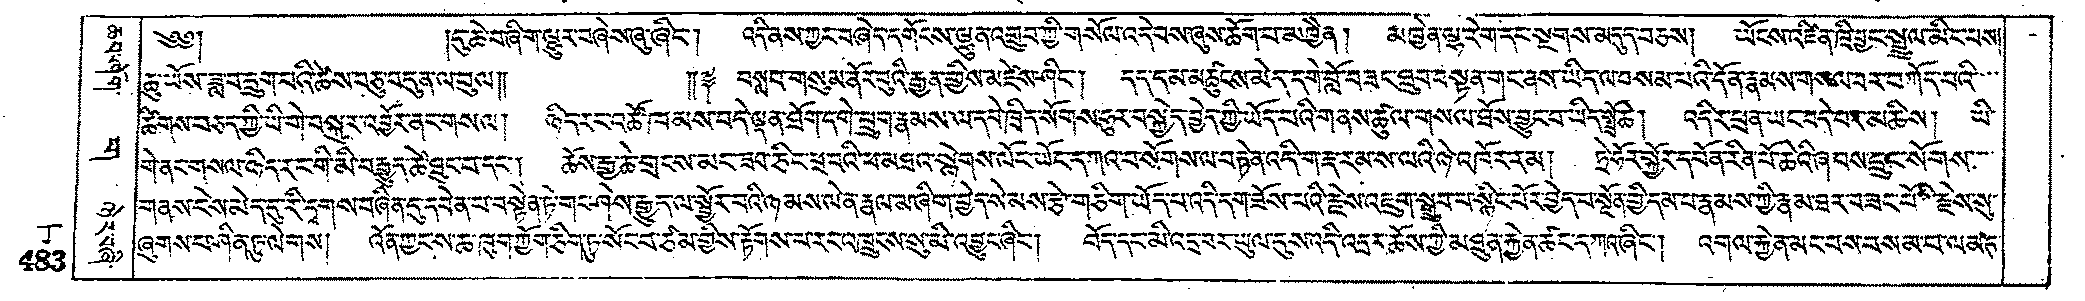༄༅། །དུ་ཆེ་བ་ཞིག་ལྷུར་བཞེས་ཞུ་ཞིང་། འདི་ནས་ཀྱང་བཞེད་དགོངས་ལྷུན་འགྲུབ་ཀྱི་གསོལ་འདེབས་ཞུས་ཆོག་པ་མཁྱཻན། མཁྱེན་ལྷ་རེག་དང་སྔགས་མདུད་བཅས། ཡོངས་འཛིན་ཁྲི་བྱང་སྤྲུལ་མིང་པས།
ཆུ་ཡོས་ཟླ་བ་དྲུག་པའི་ཚེས་བཅུ་བདུན་ལ་ཕུལ།། །།འ་བསླབ་གསུམ་ནོར་བུའི་རྒྱན་གྱིས་མཛེས་ཤིང་། དད་དམ་མཚུངས་མེད་དགེ་བློ་བཟང་ཐུབ་བསྟན་གང་ནས་ཡིད་ལ་བསམ་པའི་དོན་རྣམས་གསལ་བར་བཀོད་པའི་་་
ཚིགས་བཅད་ཀྱི་ཡི་གེ་བསྐུར་འབྱོར་ནང་གསལ། ཉིད་རང་འཚོ་ཁམས་བདེ་ལྡན་ཐོག་དགེ་ཕྲུག་རྣམས་ལ་དཔེ་ཁྲིད་སོགས་ཧུར་བསྐྱེད་བྱེད་ཀྱི་ཡོད་པའི་གནས་ཚུལ་གསལ་ཐོས་བྱུང་བ་ཡིད་སྤྲོ་ཆེ། འདིར་ཕྲན་ཡང་བདེ་བར་མཆིས། ཡི་
གེ་ནང་གསལ་ཉིད་རང་གི་མི་བརྒྱུད་ཚེ་ཐུང་བ་དང་། ཆོས་རྒྱ་ཆེ་གྲངས་མང་ཟབ་ཅིང་ཕྲ་བའི་ཕ་མཐའ་སྙེགས་ལོང་ཡོང་དཀའ་བ་སོགས་ལ་བརྟེན་འདི་ག་རྡ་རམ་ས་ལའི་ཉེ་འཁོར་ར། ཏྲེ་ཧོར་སྐྱོར་དཔོན་རིན་པོ་ཆེའི་ཞབས་དྲུང་སོགས་་་
གནས་ངེས་མེད་དུ་རི་དྭགས་བཞིན་དུ་དབེན་པ་བསྟེན་ཏེ་གང་ཤེས་རྒྱུད་ལ་སྦྱོར་བའི་ཉམས་ལེན་རྣམ་ལ་ཞིག་བྱེད་སེམས་རྩེ་གཅིག་ཡོད་པ་འདི་དག་ཐོས་པའི་རྗེས་འཇུག་སྒྲུབ་པ་སྙིང་པོར་བྱེད་པ་སྔོན་གྱི་དམ་པ་རྣམས་ཀྱི་རྣམ་ཐར་བཟང་པོའི་རྗེས་སུ་
ཞུགས་པ་ཤིན་ཏུ་ལེགས། འོན་ཀྱང་ས་ཆ་ཁུག་ཀྱོག་ཅིག་ཏུ་སོང་བ་ཙམ་གྱིས་རྟོགས་པ་རང་འཁྲུངས་སུ་མི་འབྱུང་ཞིང་། བདོ་དང་མི་འདྲ་བར་ཡུལ་དུས་འདི་འདྲར་ཆོས་ཀྱི་མཐུན་རྐྱེན་ཚང་དཀའ་ཞིང་། འགལ་རྐྱེན་མང་བས་བསམ་པ་ལམ་དུ་